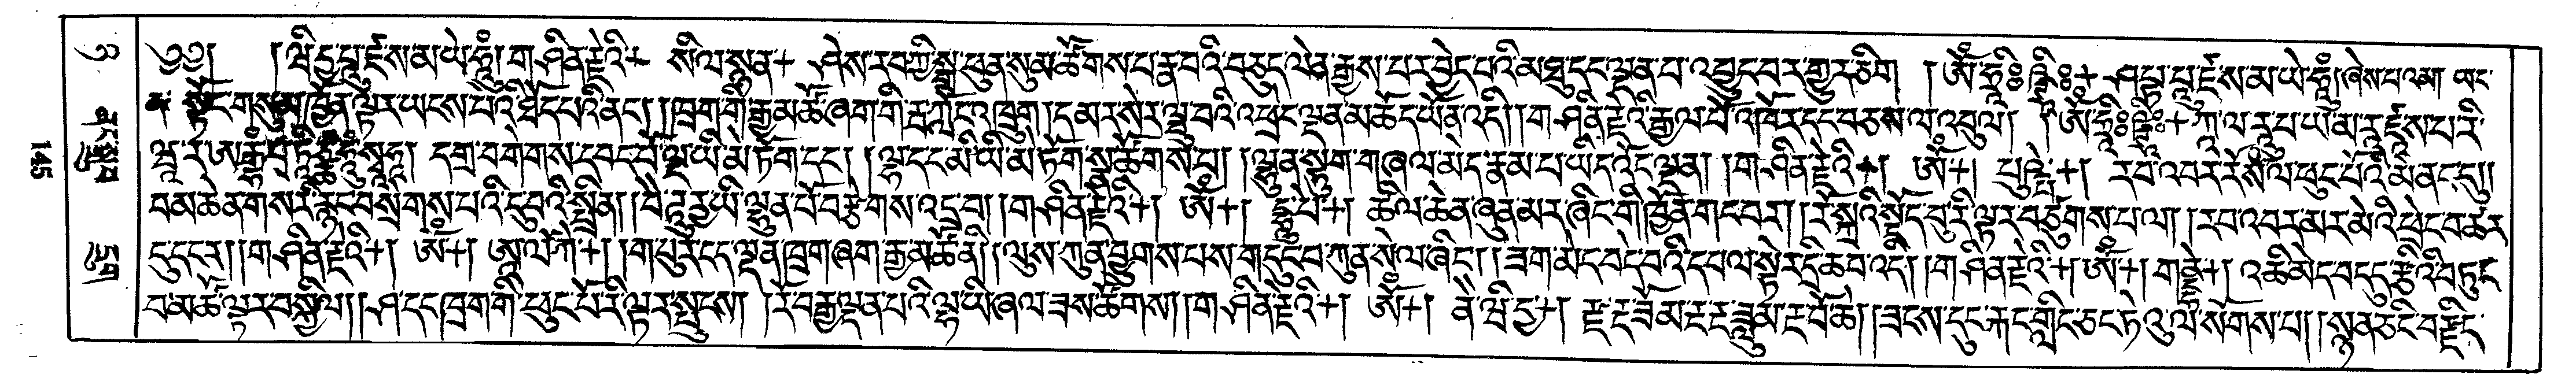༄༅། །ཝི་དྱ་པཱུ་ཛ་ས་མ་ཡེ་ཧཱུཾ་གཤིན་རྗེའྶིིལ་སྙན་ཤེས་རབ་ཀྱི་སྒྲ་ཕུན་སུམ་ཚོགས་བ་རྣ་བའི་བཅུད་ལེན་རྒྱས་པར་བྱེད་པའི་མཐུ་དང་ལྡན་པ་འབྱུང་བར་གྱུར་ཅིག། ཨོཾ་ཧྲཱིཿཥྚྲིཿ+་སྤྲ་ཛ་ས་མ་ཡེ་ཧཱུཾ། ཞེས་པའམ། ཡང་
ན༑ སྟོང་གསུམ་ཁྱོན་ལྟར་ཡངས་པའི་ཐོད་པའི་ནང་། །ཁྲག་གི་རྒྱ་མཚོ་ཞག་གི་རྦ་ཀློང་འཁྲུག། དམར་སེར་སྦུ་བའི་འཕྲེད་ལྡན་མཆོད་ཡོན་འདི། །གཤིན་རྗེའི་རྒྱལ་པོ་འཁོར་དང་བཅས་ལ་འབུལ། །ཨོཾ་ཧྲཱིཿཥྚིཿ+་ཀཱ་ལ་རཱུ་པ་ཡ་མ་རཱ་ཛཱ་ས་པ་རི་
ཝཱ་ར་ཨརྒྷཾ་པྲ་ཏཱི་ཙྪ་ཧཱུཾ་སྭཱ་ཧཱ། དགྲ་བགེགས་དབང་པོ་ལྔ་ཡི་མེ་ཏོག་དང་། །ལྷ་དང་མི་ཡི་མེ་ཏོག་སྣ་ཚོགས་པ། །ལྷུན་སྟུག་གཞལ་མེད་རྣམས་པ་ཡིད་འོང་ལྡན། །གཤིན་རྗེའི། ཨོཾ+། པུཥྤེ། རབ་འབར་རོ་སོལ་ཕུང་པོའི་མེ་ནང་དུ།།
བམ་ཆེན་གསར་རྙིང་བསྲེགས་པའི་དུ་བའི་སྤྲིན། །བཻ་ཌཱུརྱ་ཡི་ལྷུན་པོ་བརྩེགས་འདྲ་བ། །གཤིན་རྗེ། ཨོཾ། དྷཱུ་པེ། ཚིལ་ཆེན་ཞུན་མར་ཞིང་གི་ཁྱོན་གང་བར། །རོ་སྐའི་སྡོང་བུ་རི་ལྟར་བཙུགས་པ་ལ། །རབ་འབར་མར་མེའི་ཕྲེང་བ་ཚར་
དུ་དང་ར། །གཤིན་རྗེའི། ཨོཾ། ཨཱ་ལོ་ཀེ།ག་པུར་དང་ལྡན་ཁྲག་ཞག་རྒྱ་མཚོ་ནི། །ལུས་ཀུན་བྱུགས་པས་དུང་བ་ཀུན་སེལ་ཞིང་། །ཟག་མེད་བདེའི་བའི་དཔལ་སྟེར་དྲི་ཆ་བ་འདི། །གཤིན་རྗེའི་+། ཨོཾ་+། གནྡྷེ། འཆི་མེད་བདུད་རྩིའི་བཏུད་
བ་མཚོ་ལྟར་བསྐྱིལ། །ཤ་དང་ཁྲག་གི་ཕུང་པོ་རི་ལྟར་སྦུངས། །རོ་བརྒྱ་ལྡན་པའི་ལྷ་ཡི་ཞལ་ཟ་ཚོགས། །གཤིན་རྗེའི། ཨོཾ། ནཻ་ཝི་དྱ། རྫ་རྔ་ཟོམ་རྡ་རྡ་ཟླུམ་རྔ་བོ་ཆེ། །ཟངས་དུང་རྐང་གླིང་ཅང་ཏེའུ་ལ་སོགས་པ། །སྙན་ཅིང་བརྗིད་